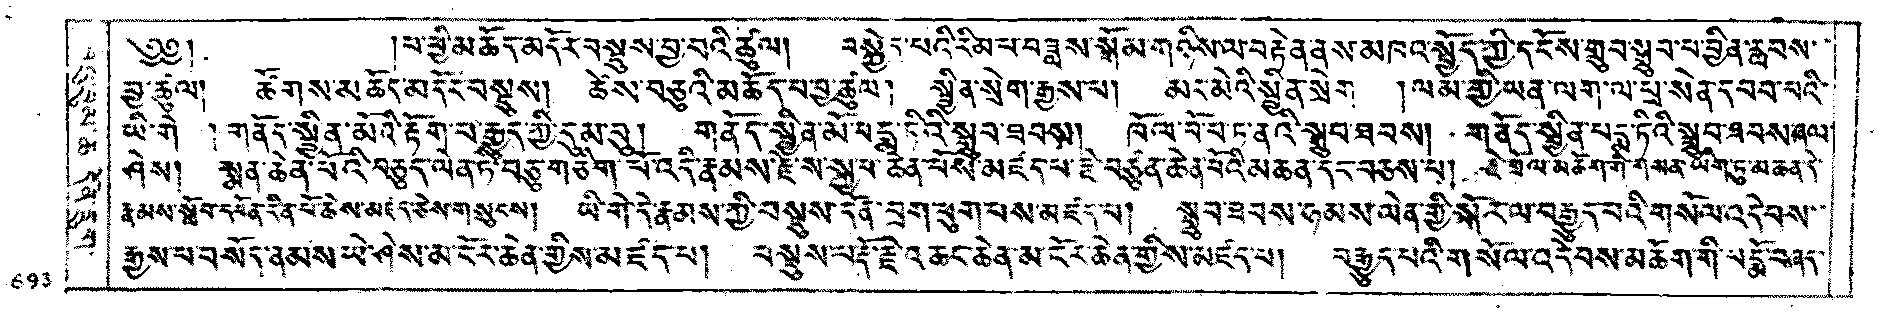༄༅། །པ་ཕྱི་མཆོད་མདོར་བསྡུས་བྱ་བའི་ཚུལ། བསྐྱེད་པའི་རིམ་པ་བཟླས་སྒོམ་གཉིས་ལ་བརྟེན་ནས་མཁའ་སྤྱོད་ཀྱི་དངོས་གྲུབ་སྒྲུབ་པ་བྱིན་རླབས་
བྱ་ཚུལ། ཚོགས་མཆོད་མདོར་བསྡུས། ཚེས་བཅུའི་མཆོད་པ་བྱ་ཚུལ། སྦྱིན་སྲེག་རྒྱས་པ། མར་མེའི་སྦྱིན་སྲེག །ལམ་གྱི་ཡན་ལག་ལ་པྲ་སེན་དབབ་པའི་
ཡི་གེ །གནོད་སྦྱིན་མོའི་རྟོག་པ་རྒྱུད་ཀྱི་དུམ་བུ། གནོད་སྦྱིན་མོ་པདམ་ཏིའི་སྒྲུབ་ཐབས། ཁོལ་བོ་པ་ཏ་ནའི་སྒྲུབ་ཐབས། གནོད་སྦྱིན་པདམ་ཏིའི་སྒྲུབ་ཐབས་ཞལ་
ཤེས། སྨན་ཆེན་པོའི་བཅུད་ལེན་ཏེ་བཅུ་གཅིག་པོ་འདི་རྣམས་རྗེ་ས་སྐྱ་པ་ཆེན་པོས་མཛད་པ་རྗེ་བཙུན་ཆེན་པོའི་མཆན་དང་བཅས་པ། རྗེ་གྲོལ་མཆོག་གི་གསན་ཡིག་ཏུ་མཆན་དེ་
རྣམས་སློབ་དཔོན་རིན་པོ་ཆེས་མཛད་ཅེས་གསུངས། ཡི་གེ་དེ་རྣམས་ཀྱི་བསྡུས་དོན་བྲག་ཕུག་པས་མཛད་པ། སྒྲུབ་ཐབས་ཉམས་ལེན་གྱི་སྐོར་ལ་བརྒྱུད་པའི་གསོལ་འདེབས་
རྒྱས་པ་བསོད་ནམས་ཡེ་ཤེས་མ་ངོར་ཆེན་གྱིས་མཛད་པ། བསྡུས་པ་རྡོ་རྗེ་འཆང་ཆེན་མ་ངོར་ཆེན་གྱིས་མཛད་པ། བརྒྱུད་པའི་གསོལ་འདེབས་མཆོག་གི་པདམོ་བཞད་